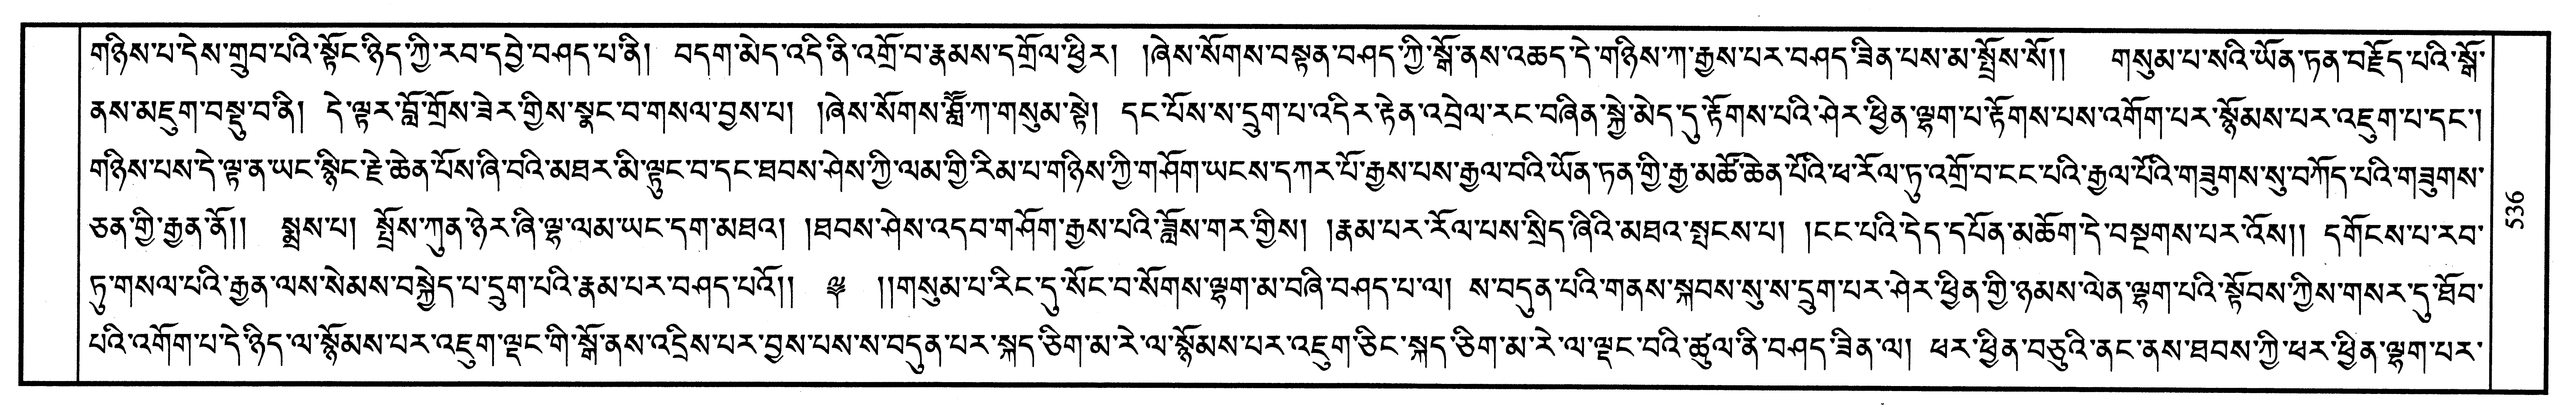གཉིས་པ་དེས་གྲུབ་པའི་སྟོང་ཉིད་ཀྱི་རབ་དབྱེ་བཤད་པ་ནི། བདག་མེད་འདི་ནི་འགྲོ་བ་རྣམས་དགྲོལ་ཕྱིར། །ཞེས་སོགས་བསྟན་བཤད་ཀྱི་སྒོ་ནས་འཆད་དེ་གཉིས་ཀ་རྒྱས་པར་བཤད་ཟིན་པས་མ་སྤྲོས་སོ།། གསུམ་པ་སའི་ཡོན་ཏན་བརྗོད་པའི་སྒོ་
ནས་མཇུག་བསྡུ་བ་ནི། དེ་ལྟར་བློ་གྲོས་ཟེར་གྱིས་སྣང་བ་གསལ་བྱས་པ། །ཞེས་སོགས་ཤླཽ་ཀ་གསུམ་སྟེ། དང་པོས་ས་དྲུག་པ་འདིར་བརྟེན་འབྲེལ་རང་བཞིན་སྐྱེ་མེད་དུ་རྟོགས་པའི་ཤེར་ཕྱིན་ལྷག་པ་རྟོགས་པས་འགོག་པར་སྙོམས་པར་འཇུག་པ་དང་།
གཉིས་པས་དེ་ལྟ་ན་ཡང་སྙིང་རྗེ་ཆེན་པོས་ཞི་བའི་མཐར་མི་ལྟུང་བ་དང་ཐབས་ཤེས་ཀྱི་ལམ་གྱི་རིམ་པ་གཉིས་ཀྱི་གཤོག་ཡངས་དཀར་པོ་རྒྱས་པས་རྒྱལ་བའི་ཡོན་ཏན་གྱི་རྒྱ་མཚོ་ཆེན་པོའི་ཕ་རོལ་ཏུ་འགྲོ་བ་ངང་པའི་རྒྱལ་པོའི་གཟུགས་སུ་བཀོད་པའི་གཟུགས་
ཅན་གྱི་རྒྱན་ནོ།། སྨྲས་པ། སྤྲོས་ཀུན་ཉེར་ཞི་ལྷ་ལམ་ཡང་དག་མཐའ། །ཐབས་ཤེས་འདབ་གཤོག་རྒྱས་པའི་ཟློས་གར་གྱིས། །རྣམ་པར་རོལ་པས་སྲིད་ཞིའི་མཐའ་སྤངས་པ། །ངང་པའི་དེད་དཔོན་མཆོག་དེ་བསྔགས་པར་འོས།། དགོངས་པ་རབ་
ཏུ་གསལ་པའི་རྒྱན་ལས་སེམས་བསྐྱེད་པ་དྲུག་པའི་རྣམ་པར་བཤད་པའོ།། ༈ །།གསུམ་པ་རིང་དུ་སོང་བ་སོགས་ལྷག་མ་བཞི་བཤད་པ་ལ། ས་བདུན་པའི་གནས་སྐབས་སུ་ས་དྲུག་པར་ཤེར་ཕྱིན་གྱི་ཉམས་ལེན་ལྷག་པའི་སྟོབས་ཀྱིས་གསར་དུ་ཐོབ་
པའི་འགོག་པ་དེ་ཉིད་ལ་སྙོམས་པར་འཇུག་ལྡང་གི་སྒོ་ནས་འདྲིས་པར་བྱས་པས་ས་བདུན་པར་སྐད་ཅིག་མ་རེ་ལ་སྙོམས་པར་འཇུག་ཅིང་སྐད་ཅིག་མ་རེ་ལ་ལྡང་བའི་ཚུལ་ནི་བཤད་ཟིན་ལ། ཕར་ཕྱིན་བཅུའི་ནང་ནས་ཐབས་ཀྱི་ཕར་ཕྱིན་ལྷག་པར་